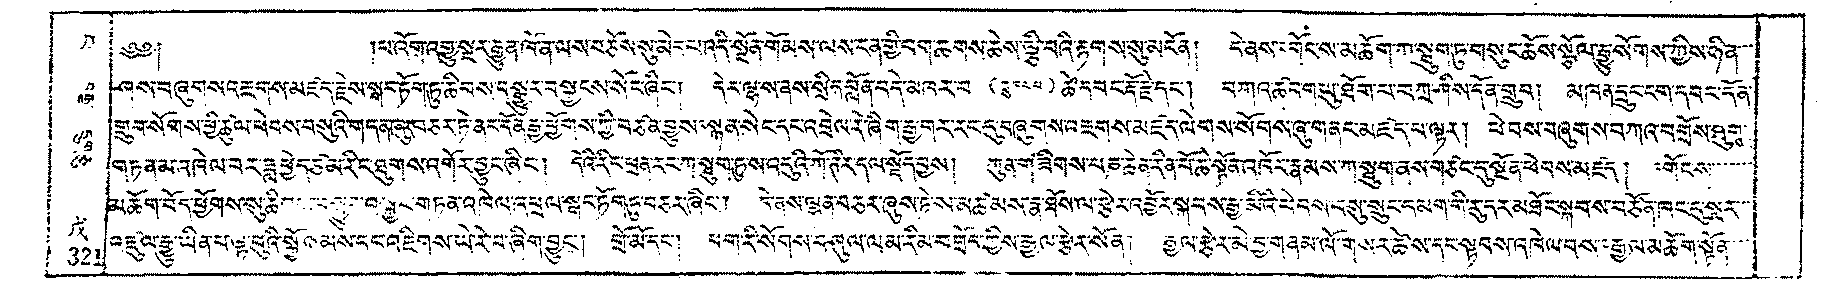༄༅། །པ་འོག་འགྱུ་སྔར་རྒྱུན་ཁོ་ན་ལས་བཅོས་སུ་མེད་པ་འདི་སྔོན་གོམས་ལས་ངན་གྱི་བག་ཆགས་ཆེས་ལྕི་བའི་རྟགས་སུ་མངོན། དེ་ནས་༧གོང་ས་མཆོག་ཀ་སྦུག་ཏུ་གསུང་ཆོས་སྩོལ་རྒྱུ་སོགས་ཀྱིས་ཉིན་
ཤས་བཞུགས་འཇགས་མཛད་རྗེས་སྒང་ཏོག་ཏུ་ཆིབས་བསྒྱུར་བསྐྱངས་སོང་ཞིང་། དེར་ལྷ་ས་ནས་སྲིད་བློན་བདེ་མཁར་བ་ཀླུ་ཁང་པ་ཚེ་དབང་རྡོ་རྗེ་དང་། བཀའ་ཚབ་གཡུ་ཐོག་པ་བཀྲ་ཤིས་དོན་གྲུབ། མཁན་དྲུང་ངག་དབང་དོན་
གྲུབ་སོགས་ཕྱི་ཚུལ་ཕེབས་བསུའི་གདན་ཞུར་བཅར་ཏེ་ནང་དོན་རྒྱ་ཕྱོགས་ཀྱི་བཙན་བྱུས་༧སྙན་སེང་དང་འབྲེལ་རེ་ཞིག་རྒྱ་གར་རང་དུ་བཞུགས་འཇགས་མཛད་ལེགས་སོགས་ཞུ་གནང་མཛད་པ་ལྟར། ཕེབས་བཞུགས་བཀའ་བགྲོས་ཐུགས་
གཏན་མ་འཁེལ་བར་ཟླ་ཕྱེད་ཙམ་རིང་ཐུགས་འགོར་བྱུང་ཞིང་། དེའི་རིང་ཕྲན་རང་ཀ་སྦུག་ཏུ་ས་འདུའི་ཀོ་ཊིར་དལ་སྡོད་བྱས། ཀུན་གཟིགས་པཎ་ཆེན་རིན་པོ་ཆེ་སྟོན་འཁོར་རྣམས་ཀ་སྦུག་ནས་གཙང་དུ་སྔོན་ཕེབས་མཛད། ༧གོང་ས་
མཆོག་བོད་ཕྱོགས་སུ་ཆིབས་བསྒྱུར་བསྐྱང་གཏན་འཁེལ་འཕྲལ་སྒང་ཏོག་ཏུ་བཅར་ཞིང་། དེ་ནས་ལྷན་བཅར་ཞུས་ཏེ་ས་མཚམས་རྣ་ཐོས་ལ་རྩེར་འབྱོར་སྐབས་རྒྱ་མིའི་ཕེབས་བསུ་སྲུང་དམག་གི་རུ་དར་མཐོང་སྐབས་བཙོན་ཁང་དུ་སླར་
འཛུལ་རྒྱུ་ཡིན་པ་ལྟ་བུའི་སྐྱོ་ཉམས་དང་འཇིགས་ཡེ་རེ་བ་ཞིག་བྱུང་། གྲོ་མོ་དང་། ཕག་རི་སོགས་བཤུལ་ལམ་རིམ་བགྲོད་ཀྱིས་རྒྱལ་རྩེར་སོན། རྒྱལ་རྩེར་མེ་བྱ་གནམ་ལོ་གསར་ཚེས་དང་སྟབས་འཁེལ་བས་༧རྒྱལ་མཆོག་སྟོན་